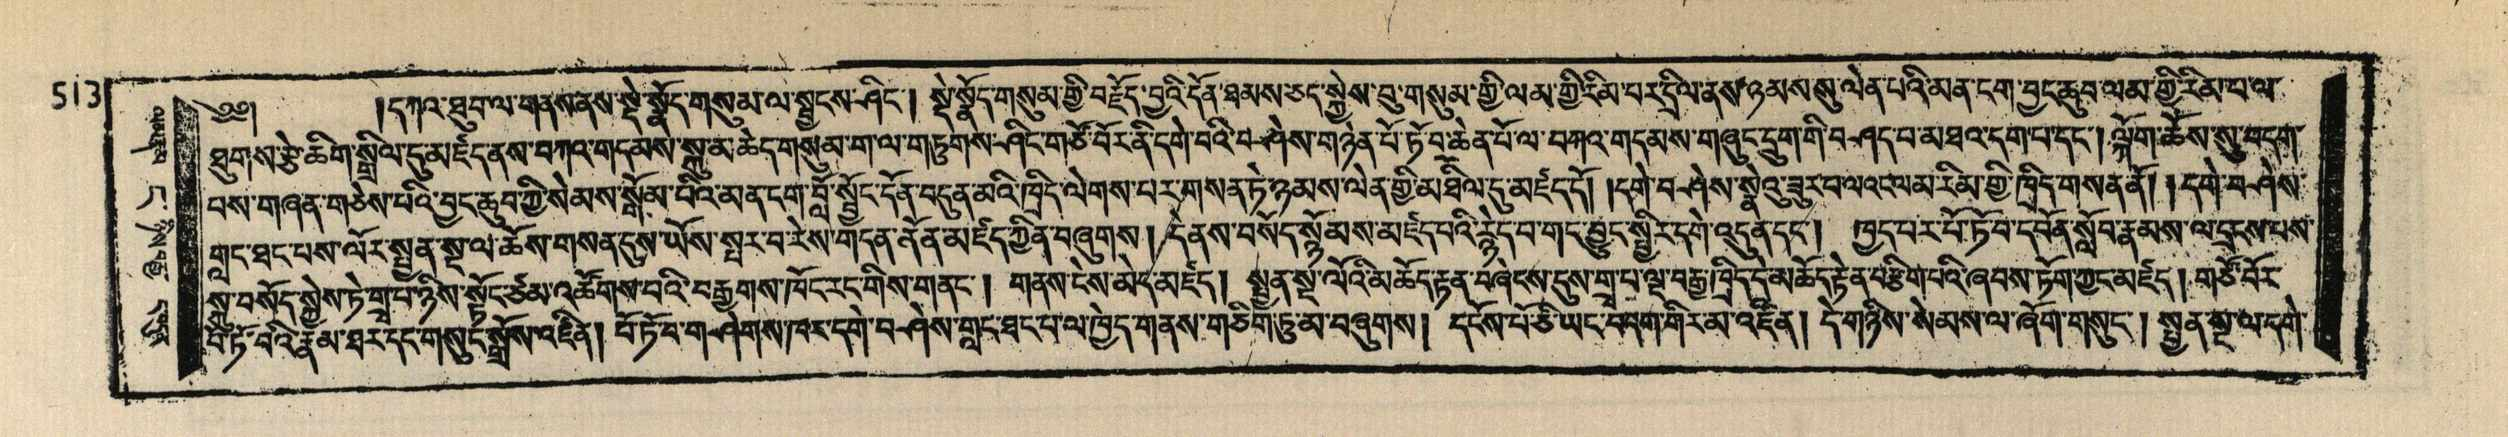༄༅། །དཀའ་ཐུབ་ལ་གནས་ནས་སྡེ་སྣོད་གསུམ་ལ་སྦྱངས་ཤིང་། སྡེ་སྣོད་གསུམ་གྱི་བརྗོད་བྱའི་དོན་ཐམས་ཅད་སྐྱེས་བུ་གསུམ་གྱི་ལམ་གྱི་རིམ་པར་དྲིལ་ནས་ཉམས་སུ་ལེན་པའི་མན་ངག་བྱང་ཆུབ་ལམ་གྱི་རིམ་པ་ལ་
ཐུགས་རྩེ་ཆིག་སྒྲིལ་དུ་མཛད་ནས་བཀའ་གདམས་སྐུ་མཆེད་གསུམ་ག་ལ་གཏུགས་ཤིང་གཙོ་བོར་ནི་དགེ་བའི་བཤེས་གཉེན་པོ་ཏོ་བ་ཆེན་པོ་ལ་བཀའ་གདམས་གཞུང་དྲུག་གི་བཤད་བ་མཐའ་དག་པ་དང་། ལྐོག་ཆོས་སུ་བདག་
བས་གཞན་གཅེས་པའི་བྱང་ཆུབ་ཀྱི་སེམས་སྒོམ་པའི་མན་ངག་བློ་སྦྱོང་དོན་བདུན་མའི་ཁྲིད་ལེགས་པར་གསན་ཏེ་ཉམས་ལེན་གྱི་མཐིལ་དུ་མཛད་དོ། །དགེ་བཤེས་སྣེའུ་ཟུར་བ་ལའང་ལམ་རིམ་གྱི་ཁྲིད་གསན་ནོ། །དགེ་བཤེས་
གླང་ཐང་པས་ལོར་སྤྱན་སྔ་ལ་ཆོས་གསན་དུས་ཡོས་སྤར་བ་རེས་གདན་ནོན་མཛད་ཀྱིན་བཞུགས། དེ་ནས་བསོད་སྙོམས་མཛད་པའི་རྙེད་པ་གང་བྱུང་སྦྱིར་དགེ་འདུན་དང་། ཁྱད་པར་པོ་ཏོ་བ་དཔོན་སློབ་རྣམས་ལ་དྲངས་པས་
སྐུ་བསོད་སྐྱེས་ཏེ་གྲྭ་པ་ཉིས་སྟོང་ཙམ་འཚོགས་བའི་བརྒྱགས་ཁོང་རང་གིས་གནང་། གནས་ངེས་མེད་མཛད། སྤྱན་སྔ་ལོའི་མཆོད་རྟན་བཞེངས་དུས་གྲྭ་པ་ལྔ་བརྒྱ་ཁྲིད་དེ་མཆོད་རྟེན་བརྩིག་པའི་ཞབས་ཏོག་ཀྱང་མཛད། གཙོ་བོར་
པོ་ཏོ་བའི་རྣམ་ཐར་དང་གསུང་སྒྲོས་འཛིན། པོ་ཏོ་བ་གཤེགས་ཁང་དགེ་བཤེས་གླང་ཐང་པ་ལ་ཁྱེད་གནས་གཅིག་ཏུ་མ་བཞུགས། དངོས་པོ་ཅི་ཡང་བདག་གིར་མ་འཛིན། དེ་གཉིས་སེམས་ལ་ཞོག་གསུང་། སྤྱན་སྔ་ལ་དགེ་